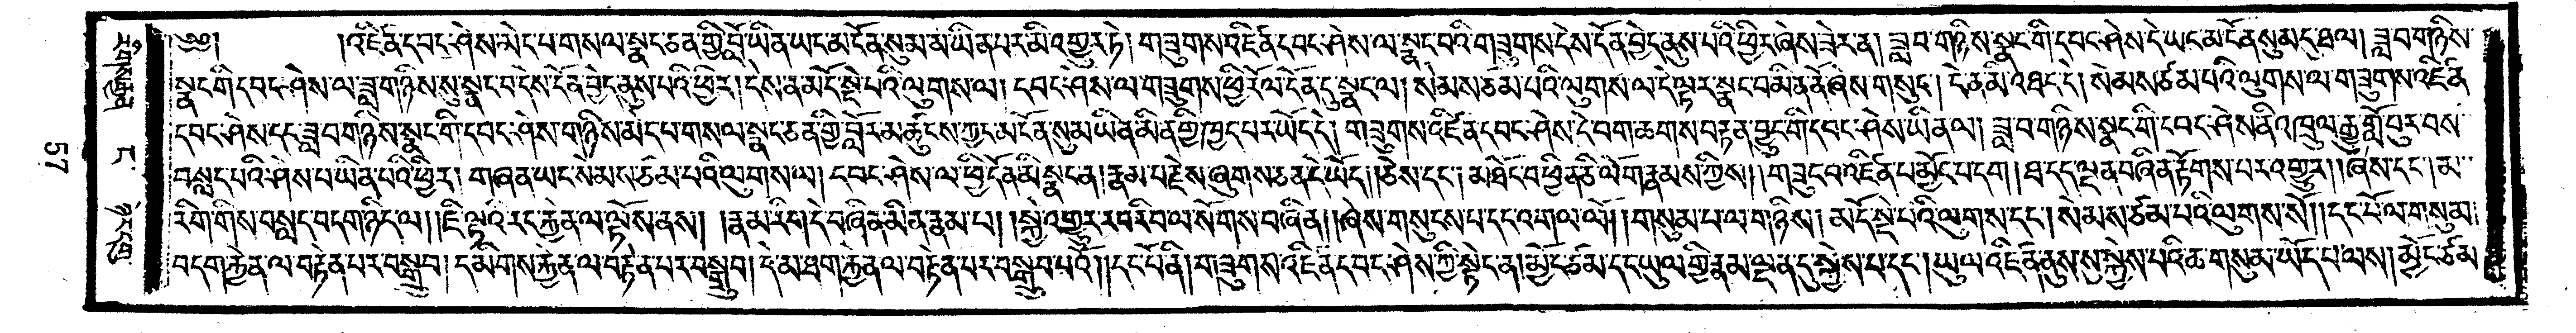༄༅། །འཛིན་དབང་ཤེས་མེད་པ་གསལ་སྣང་ཅན་གྱི་བློ་ཡིན་ཡང་མངོན་སུམ་མ་ཡིན་པར་མི་འགྱུར་ཏེ། གཟུགས་འཛིན་དབང་ཤེས་ལ་སྣང་བའི་གཟུགས་དེས་དོན་བྱེད་ནུས་པའི་ཕྱིར་ཞེས་ཟེར་ན། ཟླ་བ་གཉིས་སྣང་གི་དབང་ཤེས་དེ་ཡང་མངོན་སུམ་དུ་ཐལ། ཟླ་བ་གཉིས་
སྣང་གི་དབང་ཤེས་ལ་ཟླ་གཉིས་སུ་སྣང་བ་དེས་དོན་བྱེད་ནུས་པའི་ཕྱིར། དེས་ན་མདོ་སྡེ་པའི་ལུགས་ལ། དབང་ཤེས་ལ་གཟུགས་ཕྱི་རོལ་དོན་དུ་སྣང་ལ། སེམས་ཙམ་པའི་ལུགས་ལ་དེ་ལྟར་སྣང་བ་མིན་ནོ་ཞེས་གསུང་། དེ་ནི་མི་འཐད་དེ། སེམས་ཙམ་པའི་ལུགས་ལ་གཟུགས་འཛིན་
དབང་ཤེས་དང་ཟླ་བ་གཉིས་སྣང་གི་དབང་ཤེས་གཉིས་མེད་པ་གསལ་སྣང་ཅན་གྱི་བློར་མཚུངས་ཀྱང་མངོན་སུམ་ཡིན་མིན་གྱི་ཁྱད་པར་ཡོད་དེ། གཟུགས་འཛིན་དབང་ཤེས་དེ་བག་ཆགས་བརྟན་བྱུང་གི་དབང་ཤེས་ཡིན་ལ། ཟླ་བ་གཉིས་སྣང་གི་དབང་ཤེས་ནི་འཁྲུལ་རྒྱུ་གློ་བུར་བས་
བསླད་པའི་ཤེས་པ་ཡིན་པའི་ཕྱིར། གཞན་ཡང་སེམས་ཙམ་པའི་ལུགས་ལ། དབང་ཤེས་ལ་ཕྱི་དོན་མི་སྣང་ན། རྣམ་པ་རྗེས་ཞུགས་ཅན་དེ་ཡོད། །ཅེས་དང་། མཐོང་བ་ཕྱིན་ཅི་ལོག་རྣམས་ཀྱིས། །གཟུང་བ་འཛིན་པ་མྱོང་བ་དག །ཐ་དད་ལྡན་བཞིན་རྟོགས་པར་འགྱུར། །ཞེས་དང་། མ་
རིག་གིས་བསླད་བདག་ཉིད་ལ། །ཇི་ལྟའི་རང་རྐྱེན་ལ་ལྟོས་ནས། །རྣམ་རིག་དེ་བཞིན་མིན་རྣམ་པ། །སྐྱེ་འགྱུར་རབ་རིབ་ལ་སོགས་བཞིན། །ཞེས་གསུངས་པ་དང་འགལ་ལོ། །གསུམ་པ་ལ་གཉིས། མདོ་སྡེ་པའི་ལུགས་དང་། སེམས་ཙམ་པའི་ལུགས་སོ། །དང་པོ་ལ་གསུམ།
བདག་རྐྱེན་ལ་བརྟེན་པར་བསྒྲུབ། དམིགས་རྐྱེན་ལ་བརྟེན་པར་བསྒྲུབ། དེ་མ་ཐག་རྐྱེན་ལ་བརྟེན་པར་བསྒྲུབ་པའོ། །དང་པོ་ནི། གཟུགས་འཛིན་དབང་ཤེས་ཀྱི་སྟེང་ན། མྱོང་ཙམ་དང་ཡུལ་གྱི་རྣམ་ལྡན་དུ་སྐྱེས་པ་དང་། ཡུལ་འཛིན་ནུས་སུ་སྐྱེས་པའི་ཆ་གསུམ་ཡོད་པ་ལས། མྱོང་ཙམ་